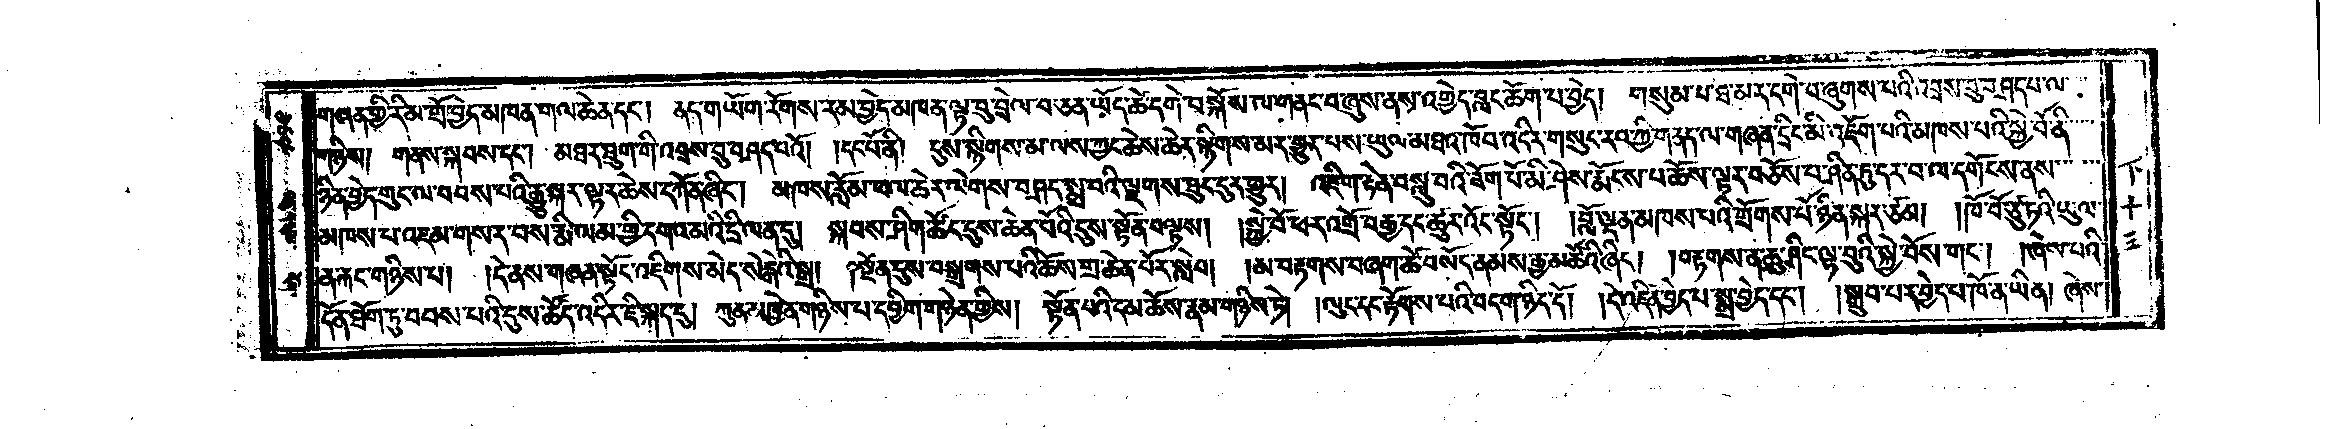གཞན་གྱི་རིམ་གྲོ་བྱེད་མཁན་གལ་ཆེན་དང་། ནད་གཡོག་རོགས་རམ་བྱེད་མཁན་ལྟ་བུ་བྲེལ་བ་ཅན་ཡོད་ཚེ་དགེ་བསྐོས་ལ་གནང་བ་ཞུས་ནས་འགྱེད་བླང་ཆོག་པ་བྱེད། གསུམ་པ་ཐ་མར་དགེ་བ་ཞུགས་པའི་འབྲས་བུ་བཤད་པ་ལ་
གཉིས། གནས་སྐབས་དང་། མཐར་ཐུག་གི་འབྲས་བུ་བཤད་པའོ། །དང་པོ་ནི། དུས་སྙིགས་མ་ལས་ཀྱང་ཆེས་ཆེར་སྙིགས་མར་གྱུར་པས་ཡུལ་མཐའ་ཁོབ་འདིར་གསུང་རབ་ཀྱི་གནད་ལ་གཞན་དྲིང་མི་འཇོག་པའི་མཁས་པའི་སྐྱེ་བོ་ནི་
ཉིན་བྱེད་གུང་ལ་བབས་པའི་རྒྱུ་སྐར་ལྟར་ཆེས་དཀོན་ཞིང་། མཁས་རློམ་ཕལ་ཆེར་ལེགས་བཤད་སྨྲ་བའི་ལྗགས་ཐུང་དུར་གྱུར། འཇིག་རྟེན་བསླུ་བའི་ཟོག་པོ་མི་ཤེས་རྨོངས་པ་ཆོས་ལྟར་བཅོས་པ་ཤིན་ཏུ་དར་བ་ལ་དགོངས་ནས་
མཁས་པ་འཇམ་གསར་བས་རྨི་ལམ་གྱི་དགའ་མའི་དྲི་ལན་དུ། སྐབས་ཤིག་ཚོང་དུས་ཆེན་པོའི་དུས་སྟོན་བལྟས། །སྐྱེ་བོ་ཕར་འགྲོ་བརྒྱ་དང་ཚུར་འོང་སྟོང་། །བློ་ལྡན་མཁས་པའི་གྲོགས་པོ་ཉིན་སྐར་ཙམ། །ཁོ་བོ་ཙུ་ཏའི་ཡུལ་
ན་རྐང་གཉིས་པ། །དེ་ནས་གཞན་སྟོང་འཇིགས་མེད་སེངྒེའི་སྒྲ། །སྔོན་དུས་བསྒྲགས་པའི་ཆོས་གྲ་ཆེན་པོར་སླེབ། །མ་བརྟགས་བཞག་ཚེ་བསོད་ནམས་རྒྱ་མཚོའི་ཞིང་། །བརྟགས་ན་ཆུ་ཤིང་ལྟ་བུའི་སྐྱེ་བོས་གང་། །ཞེས་པའི་
དོན་ཐོག་ཏུ་བབས་པའི་དུས་ཚོད་འདིར་ཇི་སྐད་དུ། ཀུན་མཁྱེན་གཉིས་པ་དབྱིག་གཉེན་གྱིས། སྟོན་པའི་དམ་ཆོས་རྣམ་གཉིས་ཏེ། །ལུང་དང་རྟོགས་པའི་བདག་ཉིད་དོ། །དེ་འཛིན་བྱེད་པ་སྨྲ་བྱེད་དང་། །སྒྲུབ་པར་བྱེད་པ་ཁོ་ན་ཡིན། ཞེས་